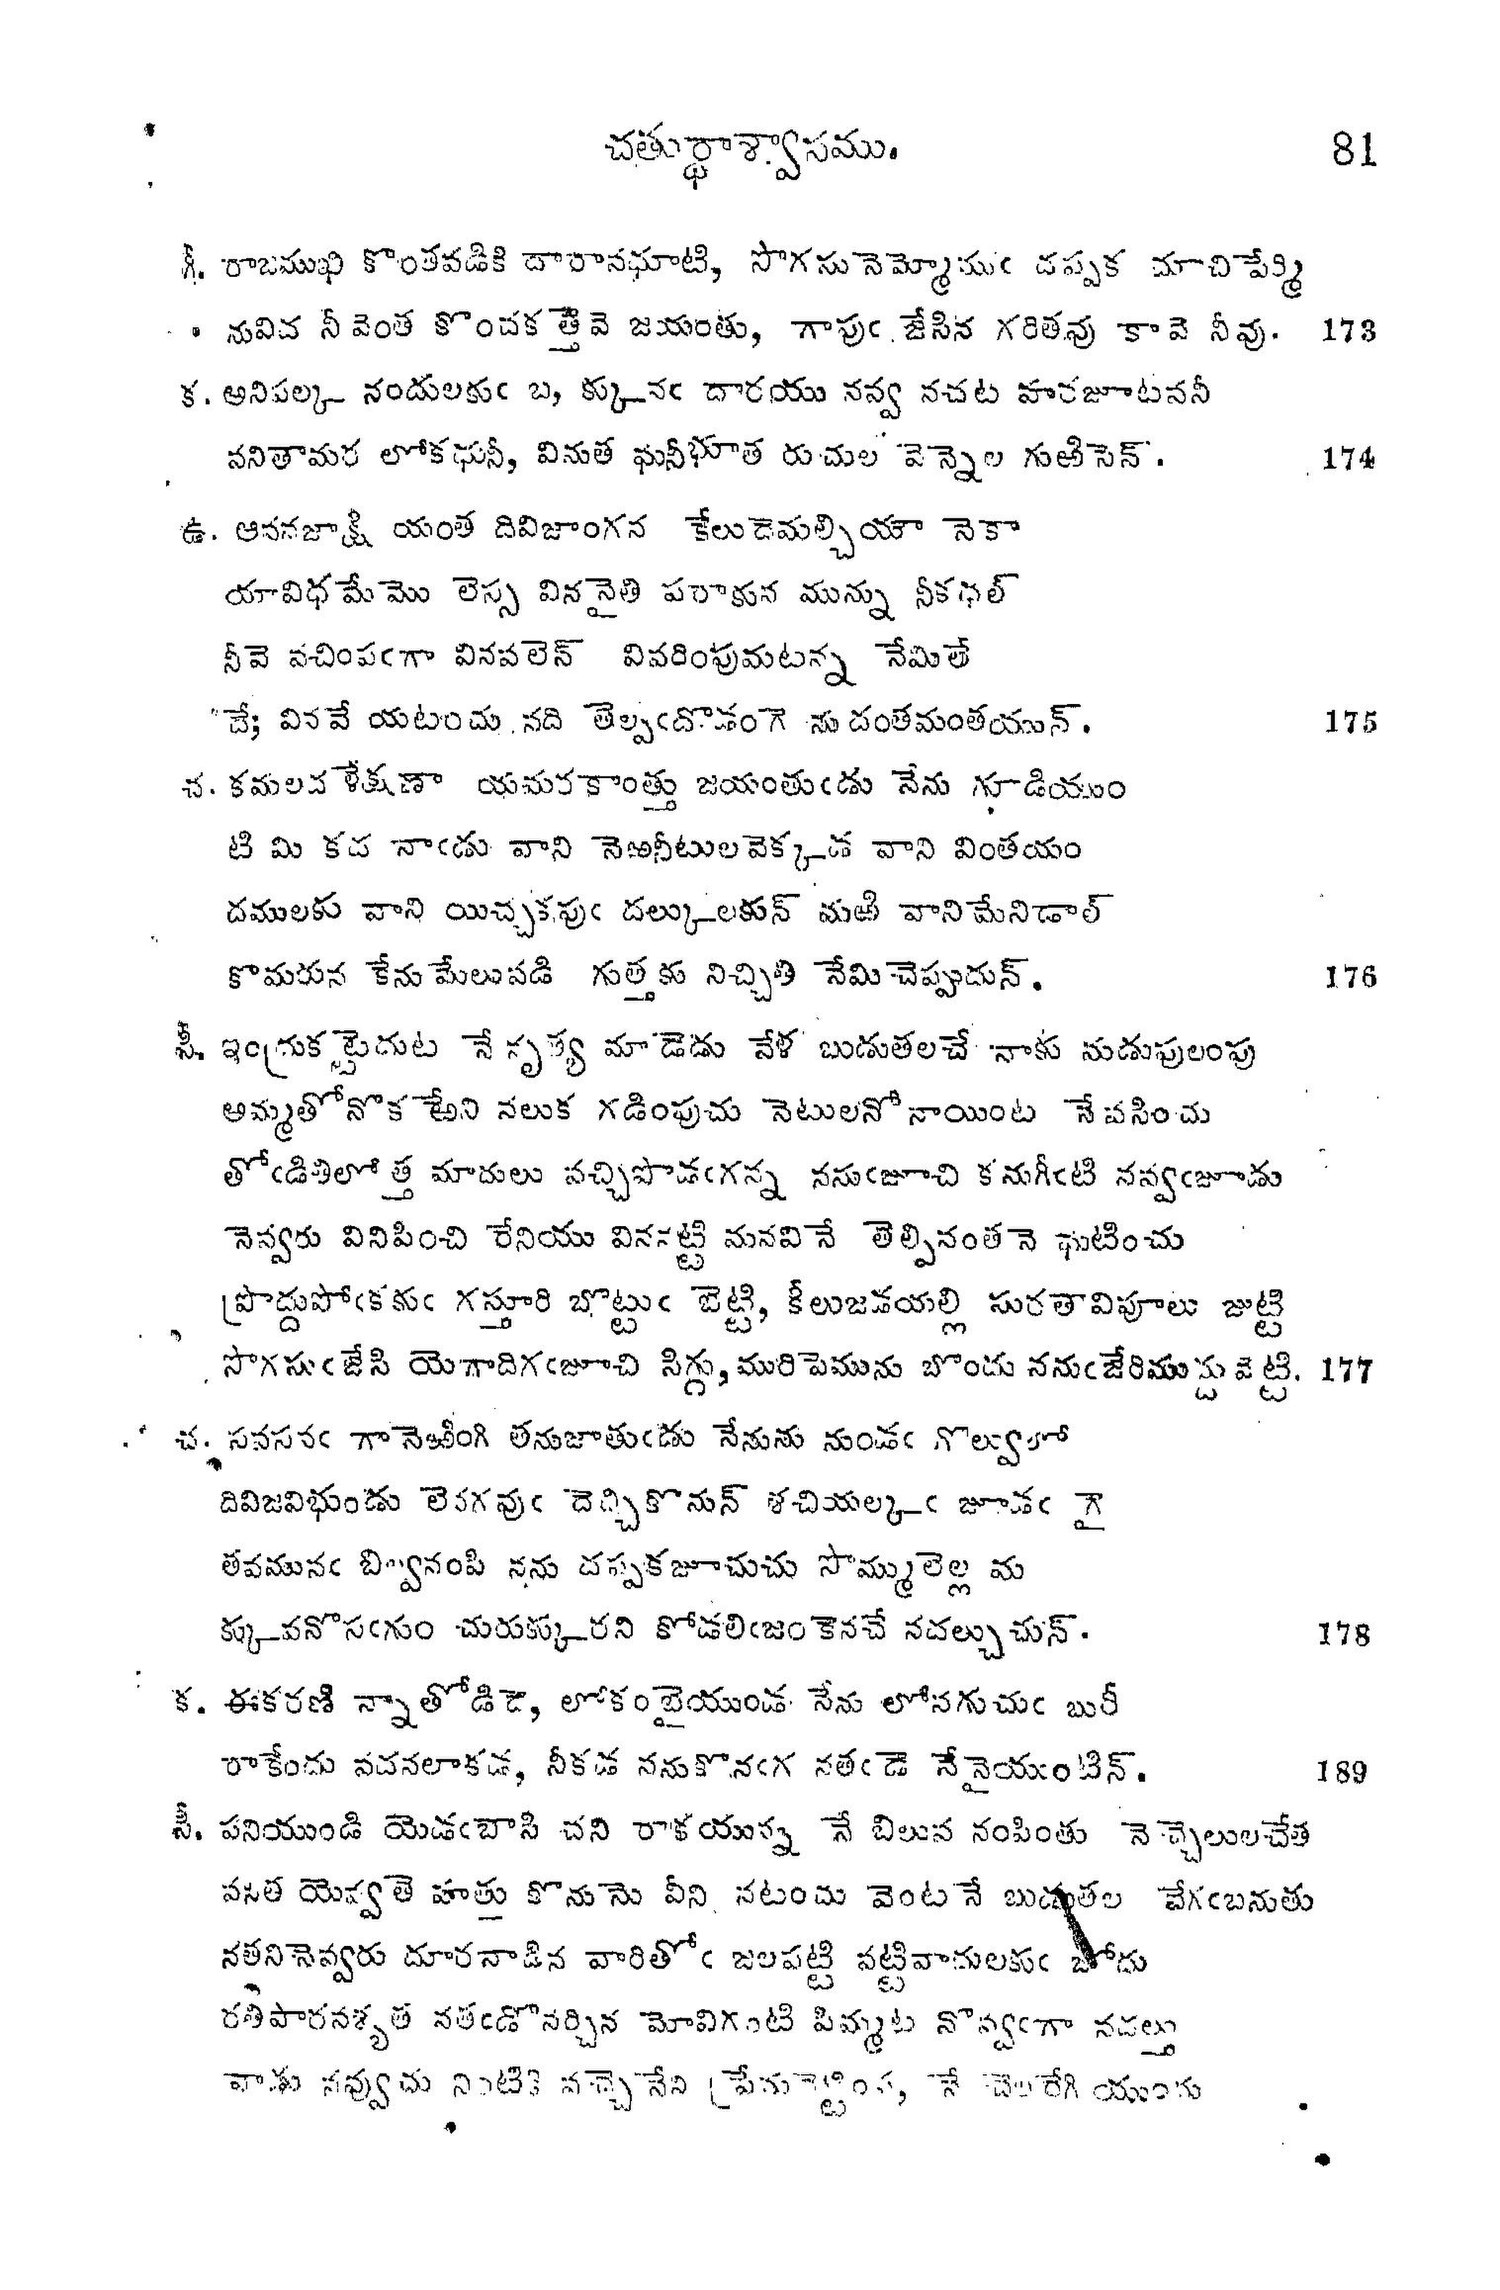గీ. రాజముఖి కొంతవడికి దారావధూటి, సొగసు నెమ్మోముఁ దప్పక చూచి పేర్మి
నువిద నీ వెంత కొంచకత్తెవె జయంతు, గాపుఁ జేసిన గరితవు కావె నీవు.
క. అని పల్క నందులకుఁ బ, క్కునఁ దారయు నవ్వ నచట హరజూటవనీ
వనితామరలోకధునీ, వినుతఘనీభూతరుచుల వెన్నెల గుఱిసెన్.
ఉ. ఆవనజాక్షి యంత దివిజాంగన కేలు దెమల్చియౌనె కా
యావిధమేమొ లెస్స విననైతి పరాకున మున్ను నీకథల్
నీవె వచింపఁగా వినవలెన్ వివరింపుమటన్న నేమిలే
దే; వినవే యటంచు నది తెల్పఁదొడంగె నుదంతమంతయున్.
చ. కమలదళేక్షణా యమరకాంత్తు జయంతుఁడు నేను గూడియుం
టిమి కద నాఁడు వాని నెఱనీటులవెక్కడ వాని వింతయం
దములకు వాని యిచ్చకపుఁ దల్కులకున్ మఱి వాని మేనిడాల్
కొమరున కేను మేలు పడి గుత్తకు నిచ్చితి నేమి చెప్పుదున్.
సీ. ఇంద్రుకట్టెదుట నే నృత్య మాడెడువేళ బుడుతలచే నాకు మడుపు లంపు
అమ్మతో నొకఱేని నలుక గడింపుచు నెటులనో నాయింటనే వసించు
తోఁడితిలోత్తమాదులు వచ్చి పొడఁగన్న ననుఁ జూచి కనుగీఁటి నవ్వఁజూడు
నెవ్వరు వినిపించిరేనియు విననట్టి మనవి నే తెల్పినంతనె ఘటించు
ప్రొద్దుపోఁకకుఁ గస్తూరిబొట్టుఁ బెట్టి, కీలుజడ యల్లి సురతావిపూలు జుట్టి
సొగసుఁ జేసి యెగాదిగఁ జూచి సిగ్గు, మురిపెమును బొందు ననుఁ జేరి ముద్దు పెట్టి.
చ. సనసనగా నెఱింగి తనుజాతుఁడు నేనును నుండఁ గొల్వులో
దివిజవిభుండు లేనగవుఁ దెచ్చికొనున్ శచియల్కఁ జూడఁ గై
తవమునఁ బిల్వనంపి నను దప్పకజూచుచు సొమ్ములెల్ల మ
క్కువ నొసఁగుం చురుక్కురని కోడలిఁజంకెనచే నదల్చుచున్.
క. ఈకరణి న్నాతోడిదె, లోకంబైయుండ నేను లోనగుచుఁ బురీ
రాకేందువదన లాకడ, నీకడ ననుకొనఁగ నతఁడె నేనై యుంటిన్.
సీ. పనియుండి యెడఁబాసి చని రాకయున్న నే బిలువనంపింతు నెచ్చెలులచేత
వనిత యెవ్వతె హత్తుకొనునె వీని నటంచు వెంటనే బుడుతల వేగఁ బనుతు
నతని నెవ్వరు దూలనాడిన వారితోఁ జలపట్టి వట్టివాదులకుఁ బోదు
రతిపారవశ్యత నతఁ డొనర్చిన మోవిగంటి పిమ్మట నొవ్వఁగా నదల్తు
వాఁడు నవ్వుచు నింటికి వచ్చెనేని ప్రేమ రెట్టింప నే చెలరేగి యుందు